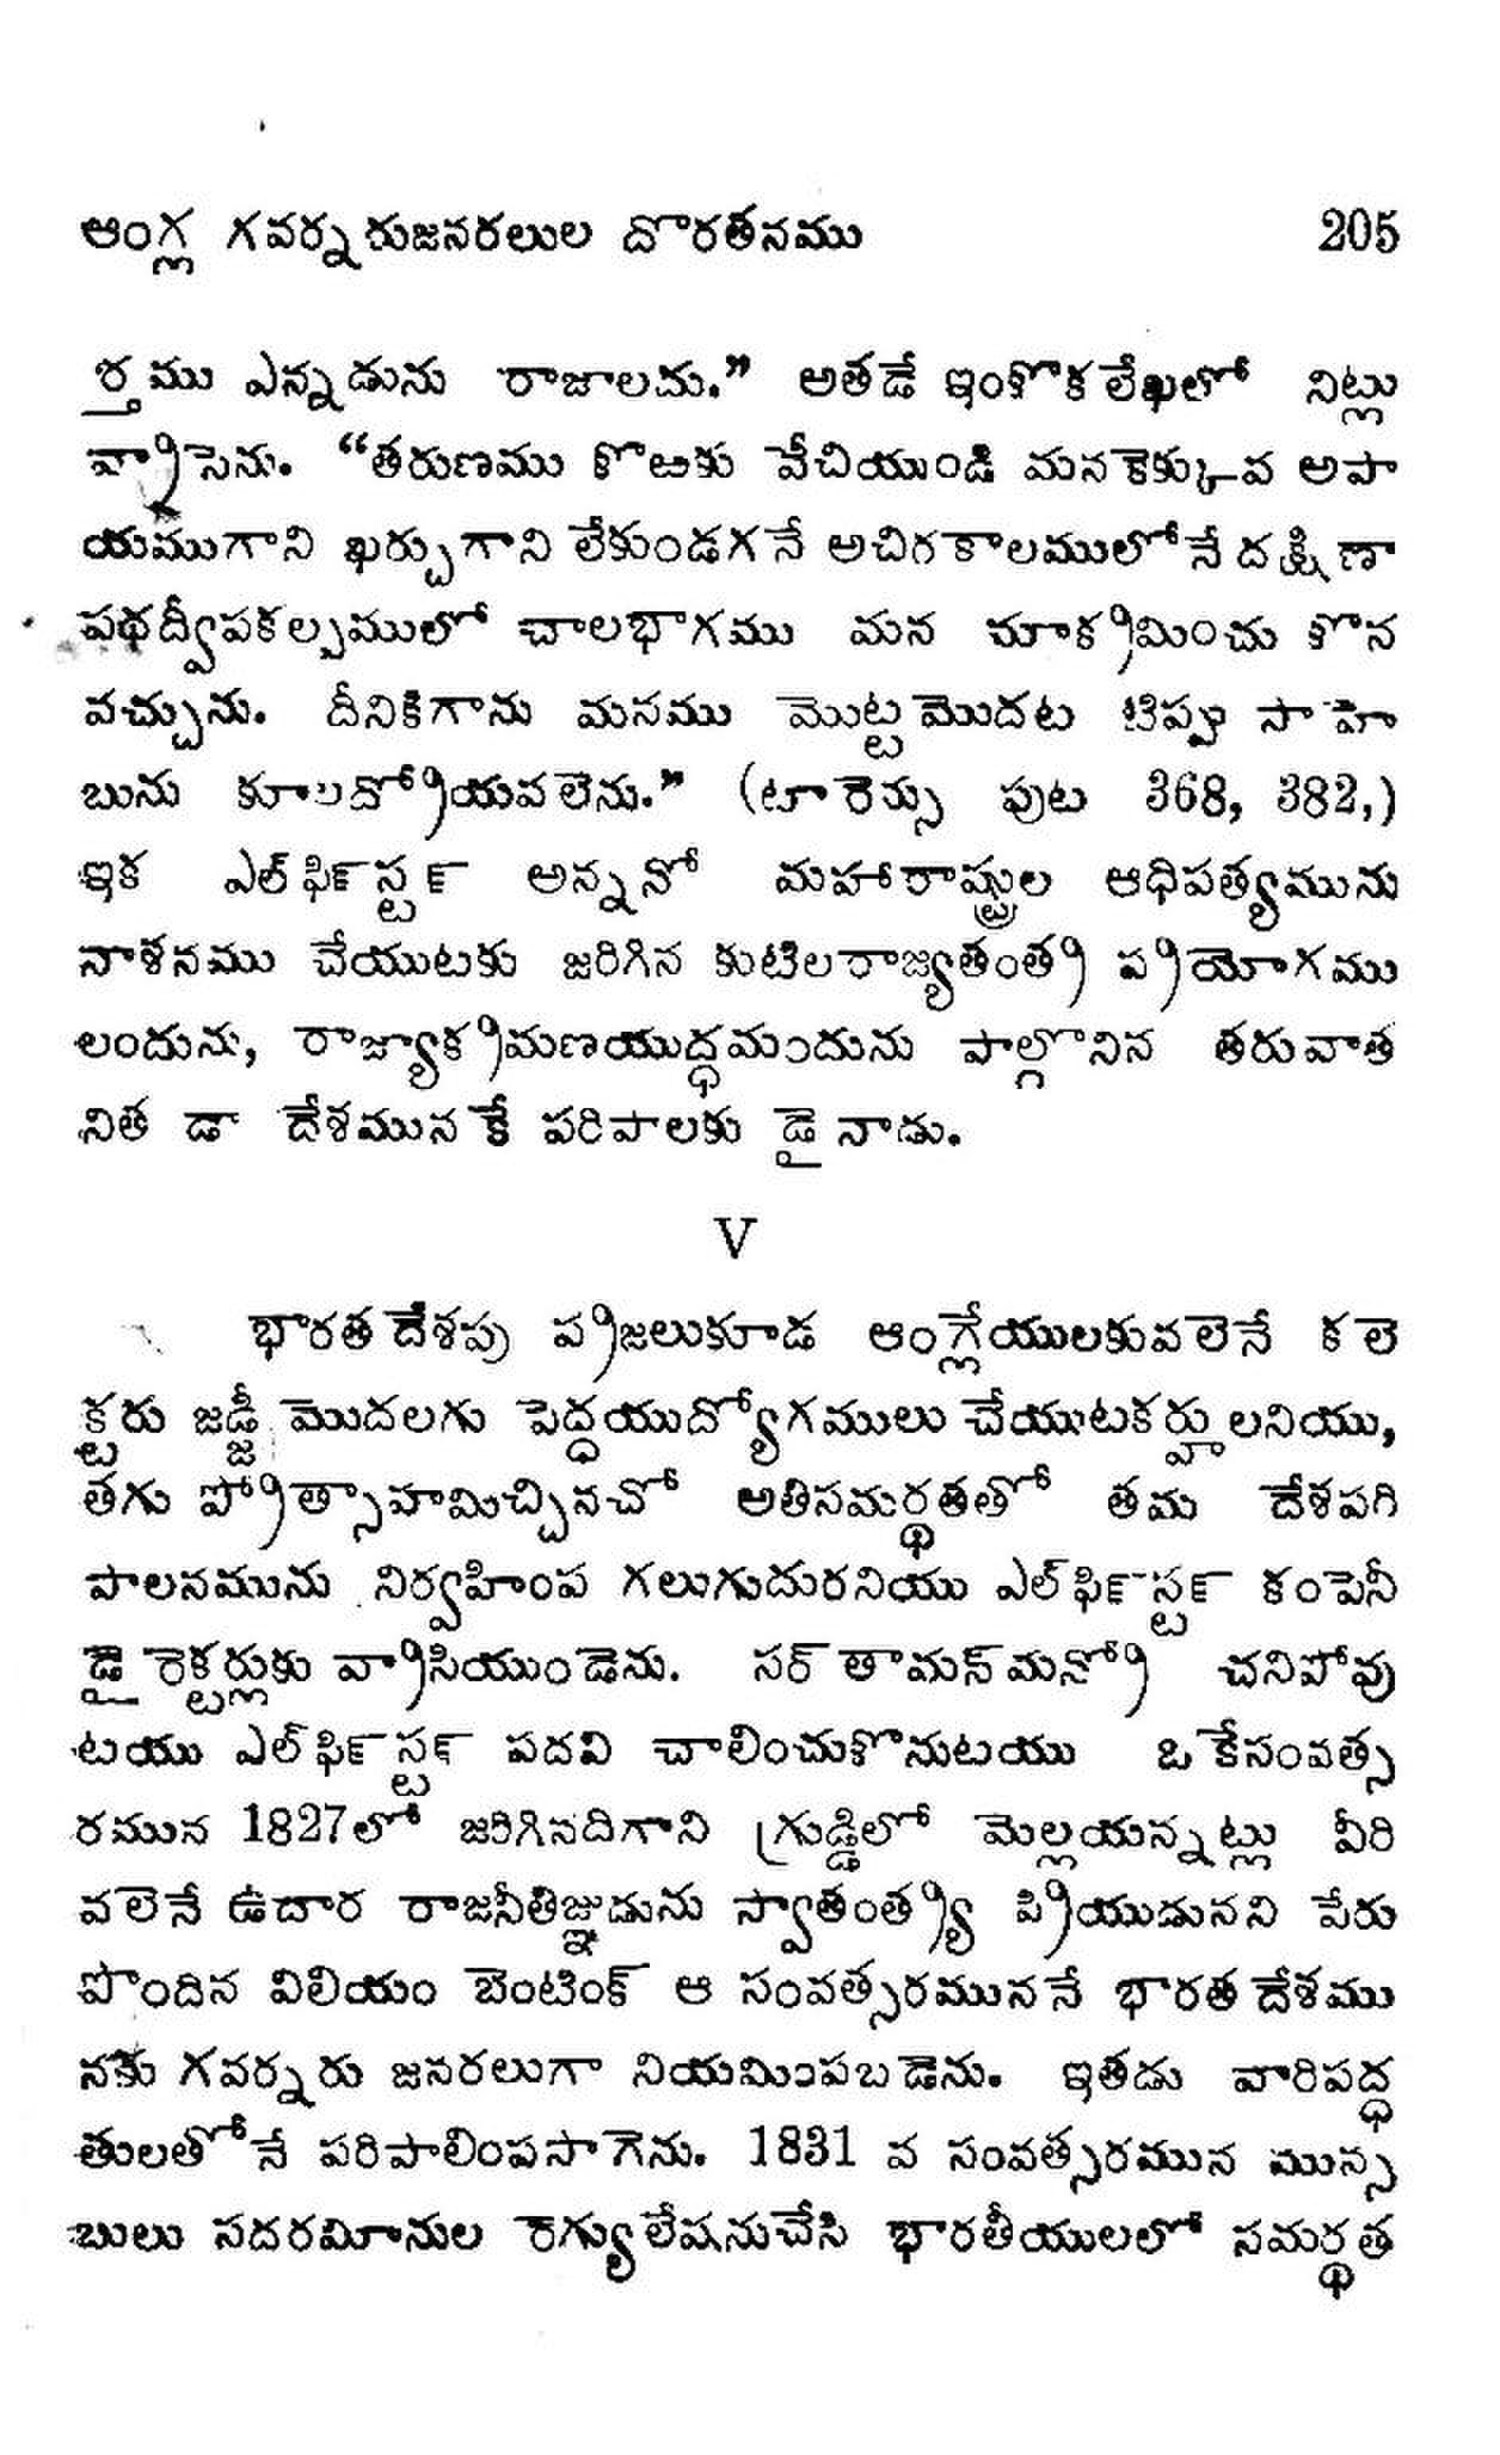ర్తము ఎన్నడును రాజాలదు." అతడే ఇంకొకలేఖలో నిట్లు వ్రాసెను. “తరుణము కొఱకు వేచియుండి మనకెక్కువ అపాయముగాని ఖర్చుగాని లేకుండగనే అచిరకాలములోనే దక్షిణాపథద్వీపకల్పములో చాలభాగము మన మాక్రమించు కొనవచ్చును. దీనికిగాను మనము మొట్టమొదట టిప్పు సాహిబును కూలద్రోయవలెను." (టారెన్సు పుట 368, 382,) ఇక ఎల్‌ఫి౯స్ట౯ అన్ననో మహారాష్ట్రుల ఆధిపత్యమును నాశనము చేయుటకు జరిగిన కుటిలరాజ్యతంత్ర ప్రయోగము లందును, రాజ్యాక్రమణయుద్ధమందును పాల్గొనిన తరువాత నిత డా దేశమునకే పరిపాలకు డైనాడు.

V

భారతదేశపు ప్రజలుకూడ ఆంగ్లేయులకువలెనే కలెక్టరు జడ్జీ మొదలగు పెద్దయుద్యోగములు చేయుటకర్హులనియు, తగు ప్రోత్సాహమిచ్చినచో అతిసమర్ధతతో తమ దేశపరిపాలనమును నిర్వహింప గలుగుదురనియు ఎల్‌ఫి౯స్ట౯ కంపెనీ
డైరెక్టర్లుకు వ్రాసియుండెను. సర్‌తామస్‌మన్రో చనిపోవుటయు ఎల్‌ఫి౯స్ట౯ పదవి చాలించుకొనుటయు ఒకేసంవత్సరమున 1827లో జరిగినదిగాని గ్రుడ్డిలో మెల్లయన్నట్లు వీరివలెనే ఉదార రాజనీతిజ్ఞుడును స్వాతంత్ర్య ప్రియుడునని పేరు పొందిన విలియం బెంటింక్ ఆ సంవత్సరముననే భారతదేశమునకు గవర్నరు జనరలుగా నియమింపబడెను. ఇతడు వారిపద్దతులతోనే పరిపాలింపసాగెను. 1831 వ సంవత్సరమున మున్సబులు సదరమీనుల రెగ్యులేషనుచేసి భారతీయులలో సమర్థత